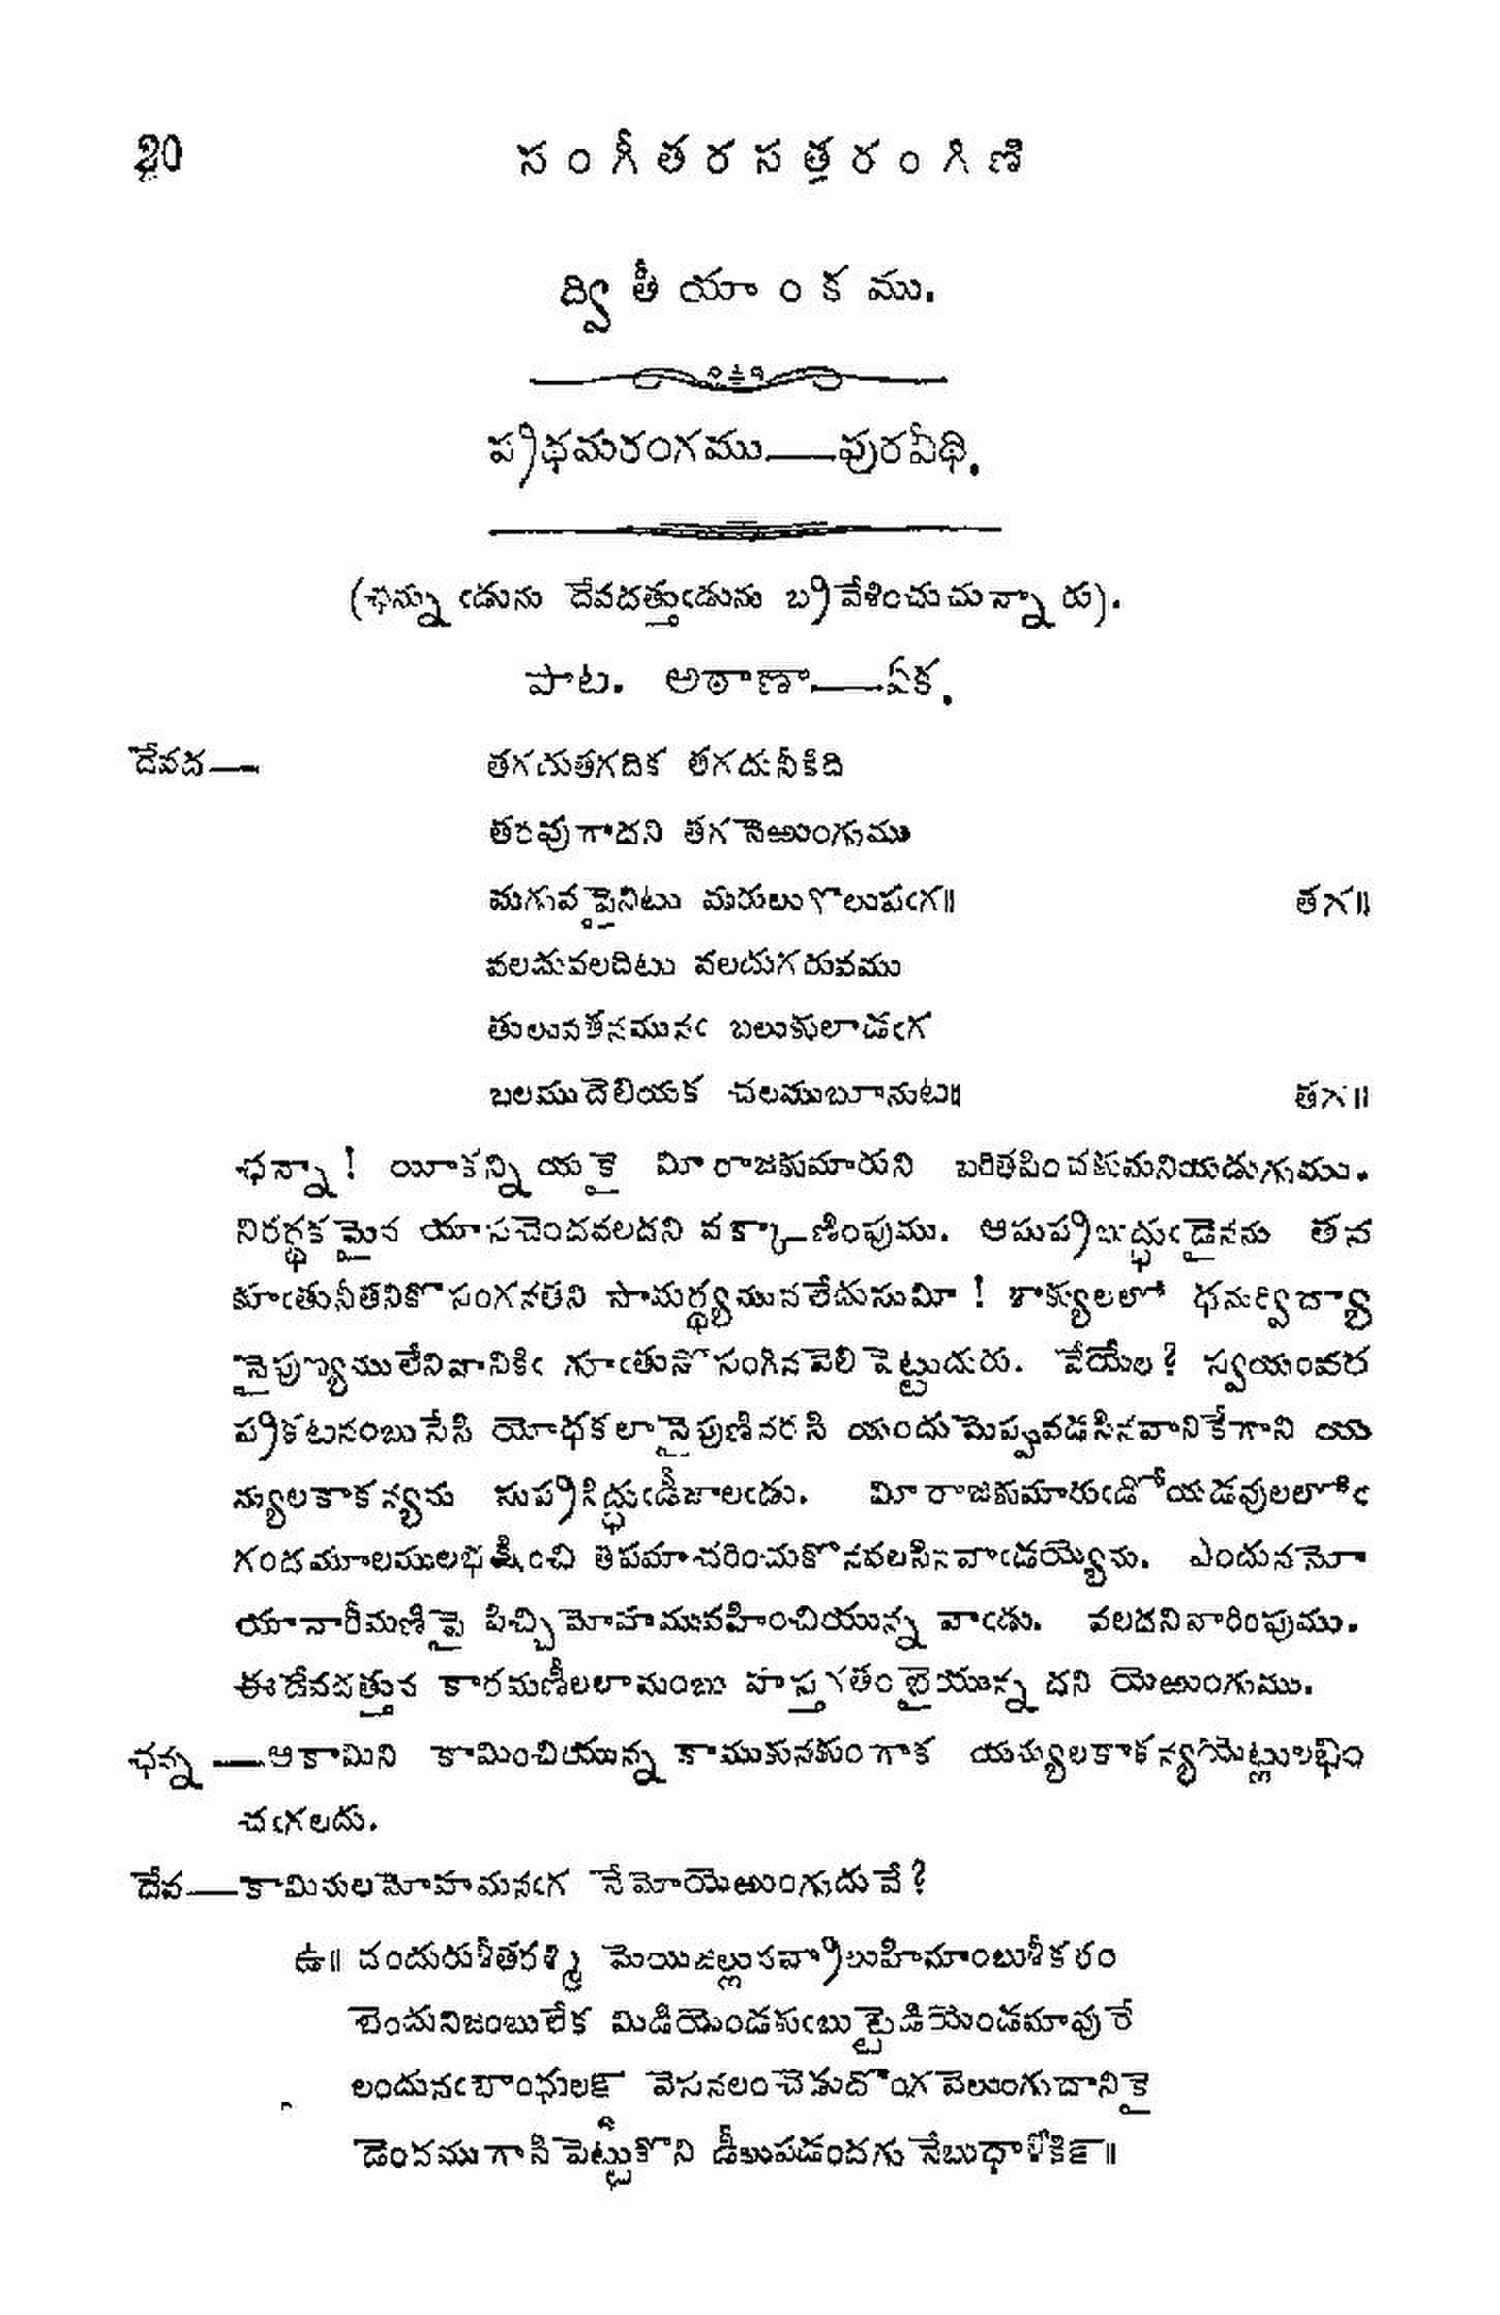దేవద -

తగదుతగదిక తగదునీకిది
తరవుగాదని తగఱుంగుము 
మగువవైనిటు మరులుగొలుపఁగ ॥తగ॥ 
వలదువలదిటు వలదుగరువము 
చలమవలదిటు వలదుగరువము
తులుతనమునఁ బలుకులాడఁగ
బలము దెలియక చలముబూనుట ॥తగ॥  

ఛన్నా! యీకన్నియకై మీ రాజకుమారుని బరితపించకుమనియుడుగుము. నిరర్థకమైన యాసచెందవలదని వక్కాణింపుము. ఆసుప్ర బుద్ధుఁడైనను తన కూఁతునీతనికొసంగనతని సామర్థ్యమునలేదుసుమీ! శాక్యులలో ధనుర్విద్యానైపుణ్యములేనివానికిఁ గూఁతునోసంగీన 
వెలిపెట్టుదురు. వేయేల? స్వయంవర ప్రకటనంబుసేసి యోధకలానైపుణినరని యందు మెప్పువడసినవానికేగాని యన్యులకాకన్యను సుప్రసిద్ధుఁడీజాలఁడు. మీ రాజకుమారుఁడోయడవులలోC గందమూలములభక్షించి తపమాచరించుకొనవలసినవాఁడయ్యెను. ఎందునమో
యానారీమణిపై పిచ్చిమోహమువహించియున్నవాఁడు. వలదనివారింపుము. ఈ దేవదత్తున కారమణీలలామంబు హస్తగతంబైయున్నదని యెఱుంగుము.

ఛన్న — ఆకామిని కామించియున్న కాముకునకుంగాక యత్యులకాకన్యయెట్లులభించఁగలదు.

దేవ — కామినులమోహమనఁగ నేమోయెఱుంగుదువే?

ఉ॥ చందురుశీతరశ్మి మెయిజల్లునవ్రాలు హీమాంబుశీకరం
బెందునిజంబులేక మిడియెండకుఁబుట్టెడియెండమావురే
లందునఁబాంధుల౯ వెసనలంచెడుదొంగవెలుంగుదానికై
డెందముగానీ పెట్టుకొని డీలుపడందగు నేబుధాళికి౯ ।